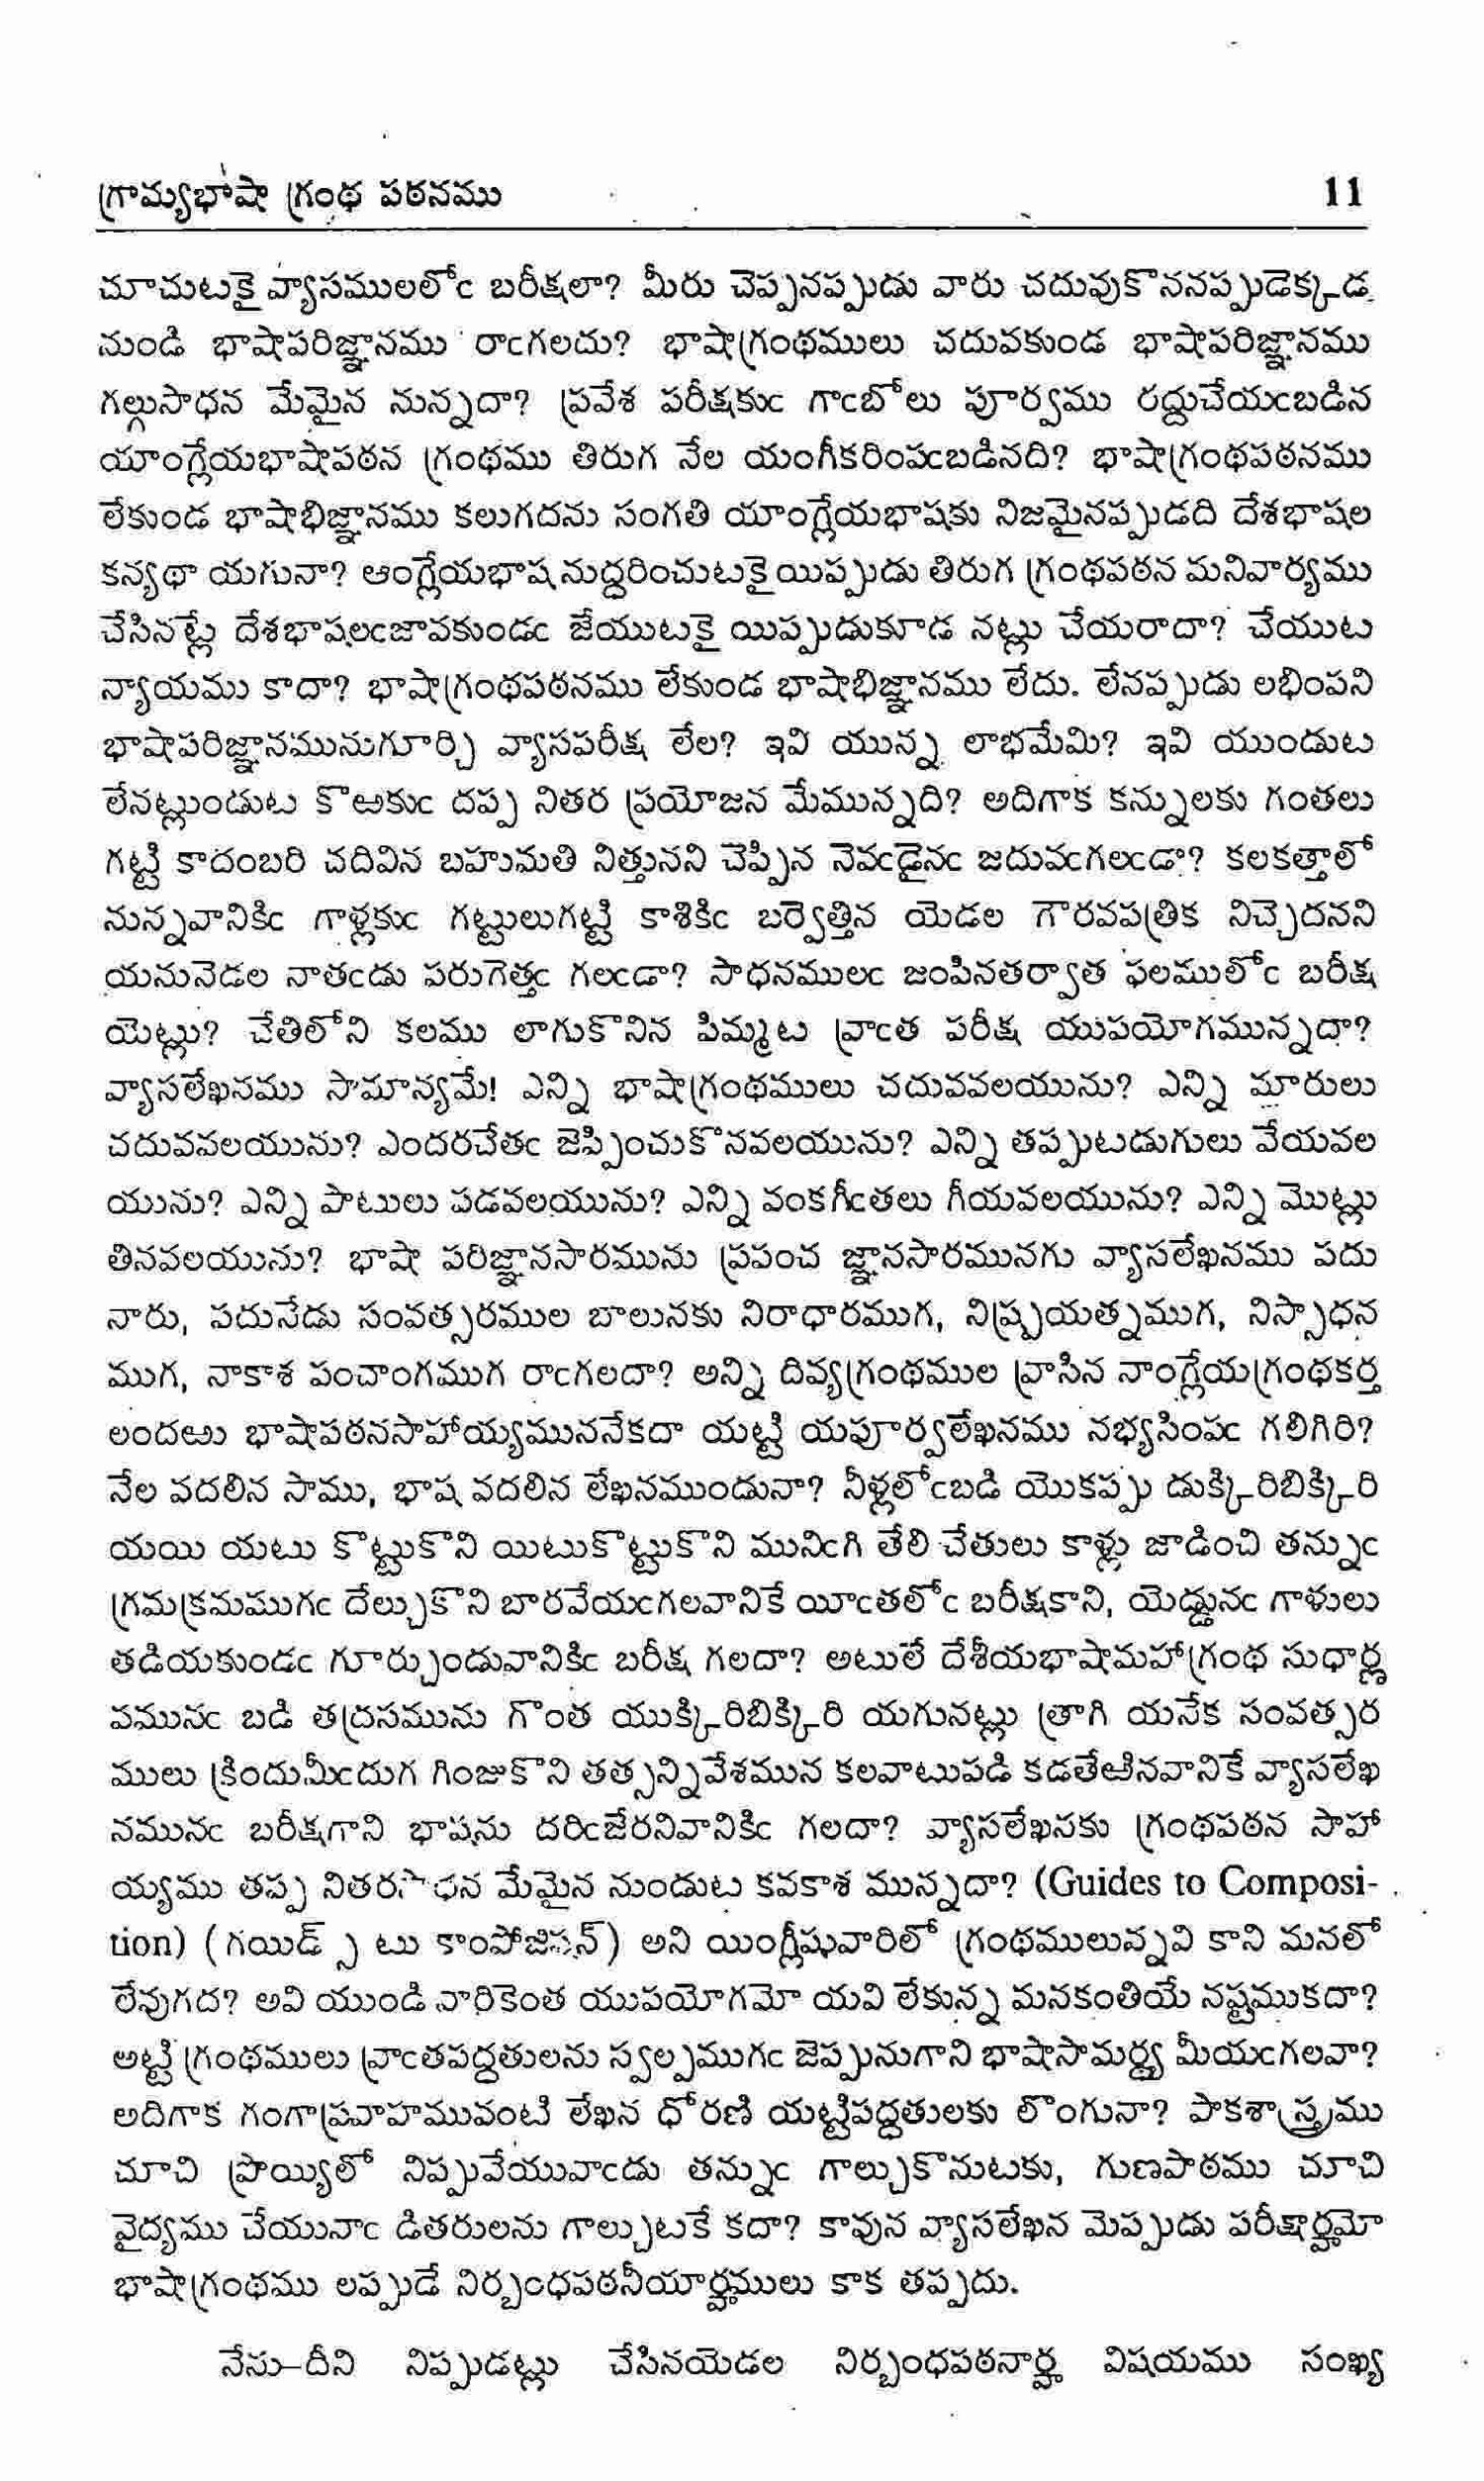చూచుటకై వ్యాసములలోఁ బరీక్షలా? మీరు చెప్పనప్పుడు వారు చదువుకొననప్పుడెక్కడ నుండి భాషాపరిజ్ఞానము రాఁగలదు? భాషాగ్రంథములు చదువకుండ భాషాపరిజ్ఞానము గల్గుసాధన మేమైన నున్నదా? ప్రవేశ పరీక్షకుఁ గాఁబోలు పూర్వము రద్దుచేయఁబడిన యాంగ్లేయభాషాపఠన గ్రంథము తిరుగ నేల యంగీకరింపఁబడినది? భాషాగ్రంథపఠనము లేకుండ భాషాభిజ్ఞానము కలుగదను సంగతి యాంగ్లేయభాషకు నిజమైనప్పుడది దేశభాషల కన్యథా యగునా? ఆంగ్లేయభాష నుద్ధరించుటకై యిప్పుడు తిరుగ గ్రంథపఠన మనివార్యము చేసినట్లే దేశభాషలఁజావకుండఁ జేయుటకై యిప్పుడుకూడ నట్లు చేయరాదా? చేయుట న్యాయము కాదా? భాషాగ్రంథపఠనము లేకుండ భాషాభిజ్ఞానము లేదు. లేనప్పుడు లభింపని భాషాపరిజ్ఞానమునుగూర్చి వ్యాసపరీక్ష లేల? ఇవి యున్న లాభమేమి? ఇవి యుండుట లేనట్లుండుట కొఱకుఁ దప్ప నితర ప్రయోజన మేమున్నది? అదిగాక కన్నులకు గంతలు గట్టి కాదంబరి చదివిన బహుమతి నిత్తునని చెప్పిన నెవఁడైనఁ జదువఁగలఁడా? కలకత్తాలో నున్నవానికిఁ గాళ్లకుఁ గట్టులుగట్టి కాశికిఁ బర్వెత్తిన యెడల గౌరవపత్రిక నిచ్చెదనని
యనునెడల నాతఁడు పరుగెత్తఁ గలఁడా? సాధనములఁ జంపినతర్వాత ఫలములోఁ బరీక్ష యెట్లు? చేతిలోని కలము లాగుకొనిన పిమ్మట వ్రాఁత పరీక్ష యుపయోగమున్నదా? వ్యాసలేఖనము సామాన్యమే! ఎన్ని భాషాగ్రంథములు చదువవలయును? ఎన్ని మారులు చదువవలయును? ఎందరచేతఁ జెప్పించుకొనవలయును? ఎన్ని తప్పుటడుగులు వేయవలయును? ఎన్ని పాటులు పడవలయును? ఎన్ని వంకగీఁతలు గీయవలయును? ఎన్ని మొట్లు తినవలయును? భాషా పరిజ్ఞానసారమును ప్రపంచ జ్ఞానసారమునగు వ్యాసలేఖనము పదునారు, పదునేడు సంవత్సరముల బాలునకు నిరాధారముగ, నిష్క్రయత్నముగ, నిస్సాధనముగ, నాకాశ పంచాంగముగ రాఁగలదా? అన్ని దివ్యగ్రంథముల వ్రాసిన నాంగ్లేయగ్రంథకర్త లందఱు భాషాపఠనసాహాయ్యముననేకదా యట్టి యపూర్వలేఖనము నభ్యసింపఁ గలిగిరి? నేల వదలిన సాము, భాష వదలిన లేఖనముండునా? నీళ్లలోఁబడి యొకప్పు డుక్కిరిబిక్కిరి యయి యటు కొట్టుకొని యిటుకొట్టుకొని మునిఁగి తేలి చేతులు కాళ్లు జాడించి తన్నుఁ గ్రమక్రమముగఁ దేల్చుకొని బారవేయఁగలవానికే యీఁతలోఁ బరీక్షకాని, యొడ్డునఁ గాళులు తడియకుండఁ గూర్చుండువానికిఁ బరీక్ష గలదా? అటులే దేశీయభాషామహాగ్రంథ సుధార్ణవమునఁ బడి తద్రసమును గొంత యుక్కిరిబిక్కిరి యగునట్లు త్రాగి యనేక సంవత్సరములు క్రిందుమీఁదుగ గింజుకొని తత్సన్నివేశమున కలవాటుపడి కడతేఱినవానికే వ్యాసలేఖనమునఁ బరీక్షగాని భాషను దరిఁజేరనివానికిఁ గలదా? వ్యాసలేఖనకు గ్రంథపఠన సాహాయ్యము తప్ప నితరసాధన మేమైన నుండుట కవకాశ మున్నదా? (Guides to Composition) (గయిడ్స్ టు కాంపోజిషన్) అని యింగ్లీషువారిలో గ్రంథములున్నవి కాని మనలో లేవుగద? అవి యుండి వారికెంత యుపయోగమో యవి లేకున్న మనకంతియే నష్టముకదా? అట్టి గ్రంథములు వ్రాఁతపద్ధతులను స్వల్పముగఁ జెప్పునుగాని భాషాసామర్థ్య మీయఁగలవా? అదిగాక గంగాప్రవాహమువంటి లేఖన ధోరణి యట్టిపద్ధతులకు లొంగునా? పాకశాస్త్రము చూచి ప్రొయ్యిలో నిప్పువేయువాఁడు తన్నుఁ గాల్చుకొనుటకు, గుణపాఠము చూచి వైద్యము చేయునాఁ డితరులను గాల్చుటకే కదా? కావున వ్యాసలేఖన మెప్పుడు పరీక్షార్హమో భాషాగ్రంథము లప్పుడే నిర్బంధపఠనీయార్హములు కాక తప్పదు.

నేను-దీని నిప్పుడట్లు చేసినయెడల నిర్బంధపఠనార్హ విషయము సంఖ్య